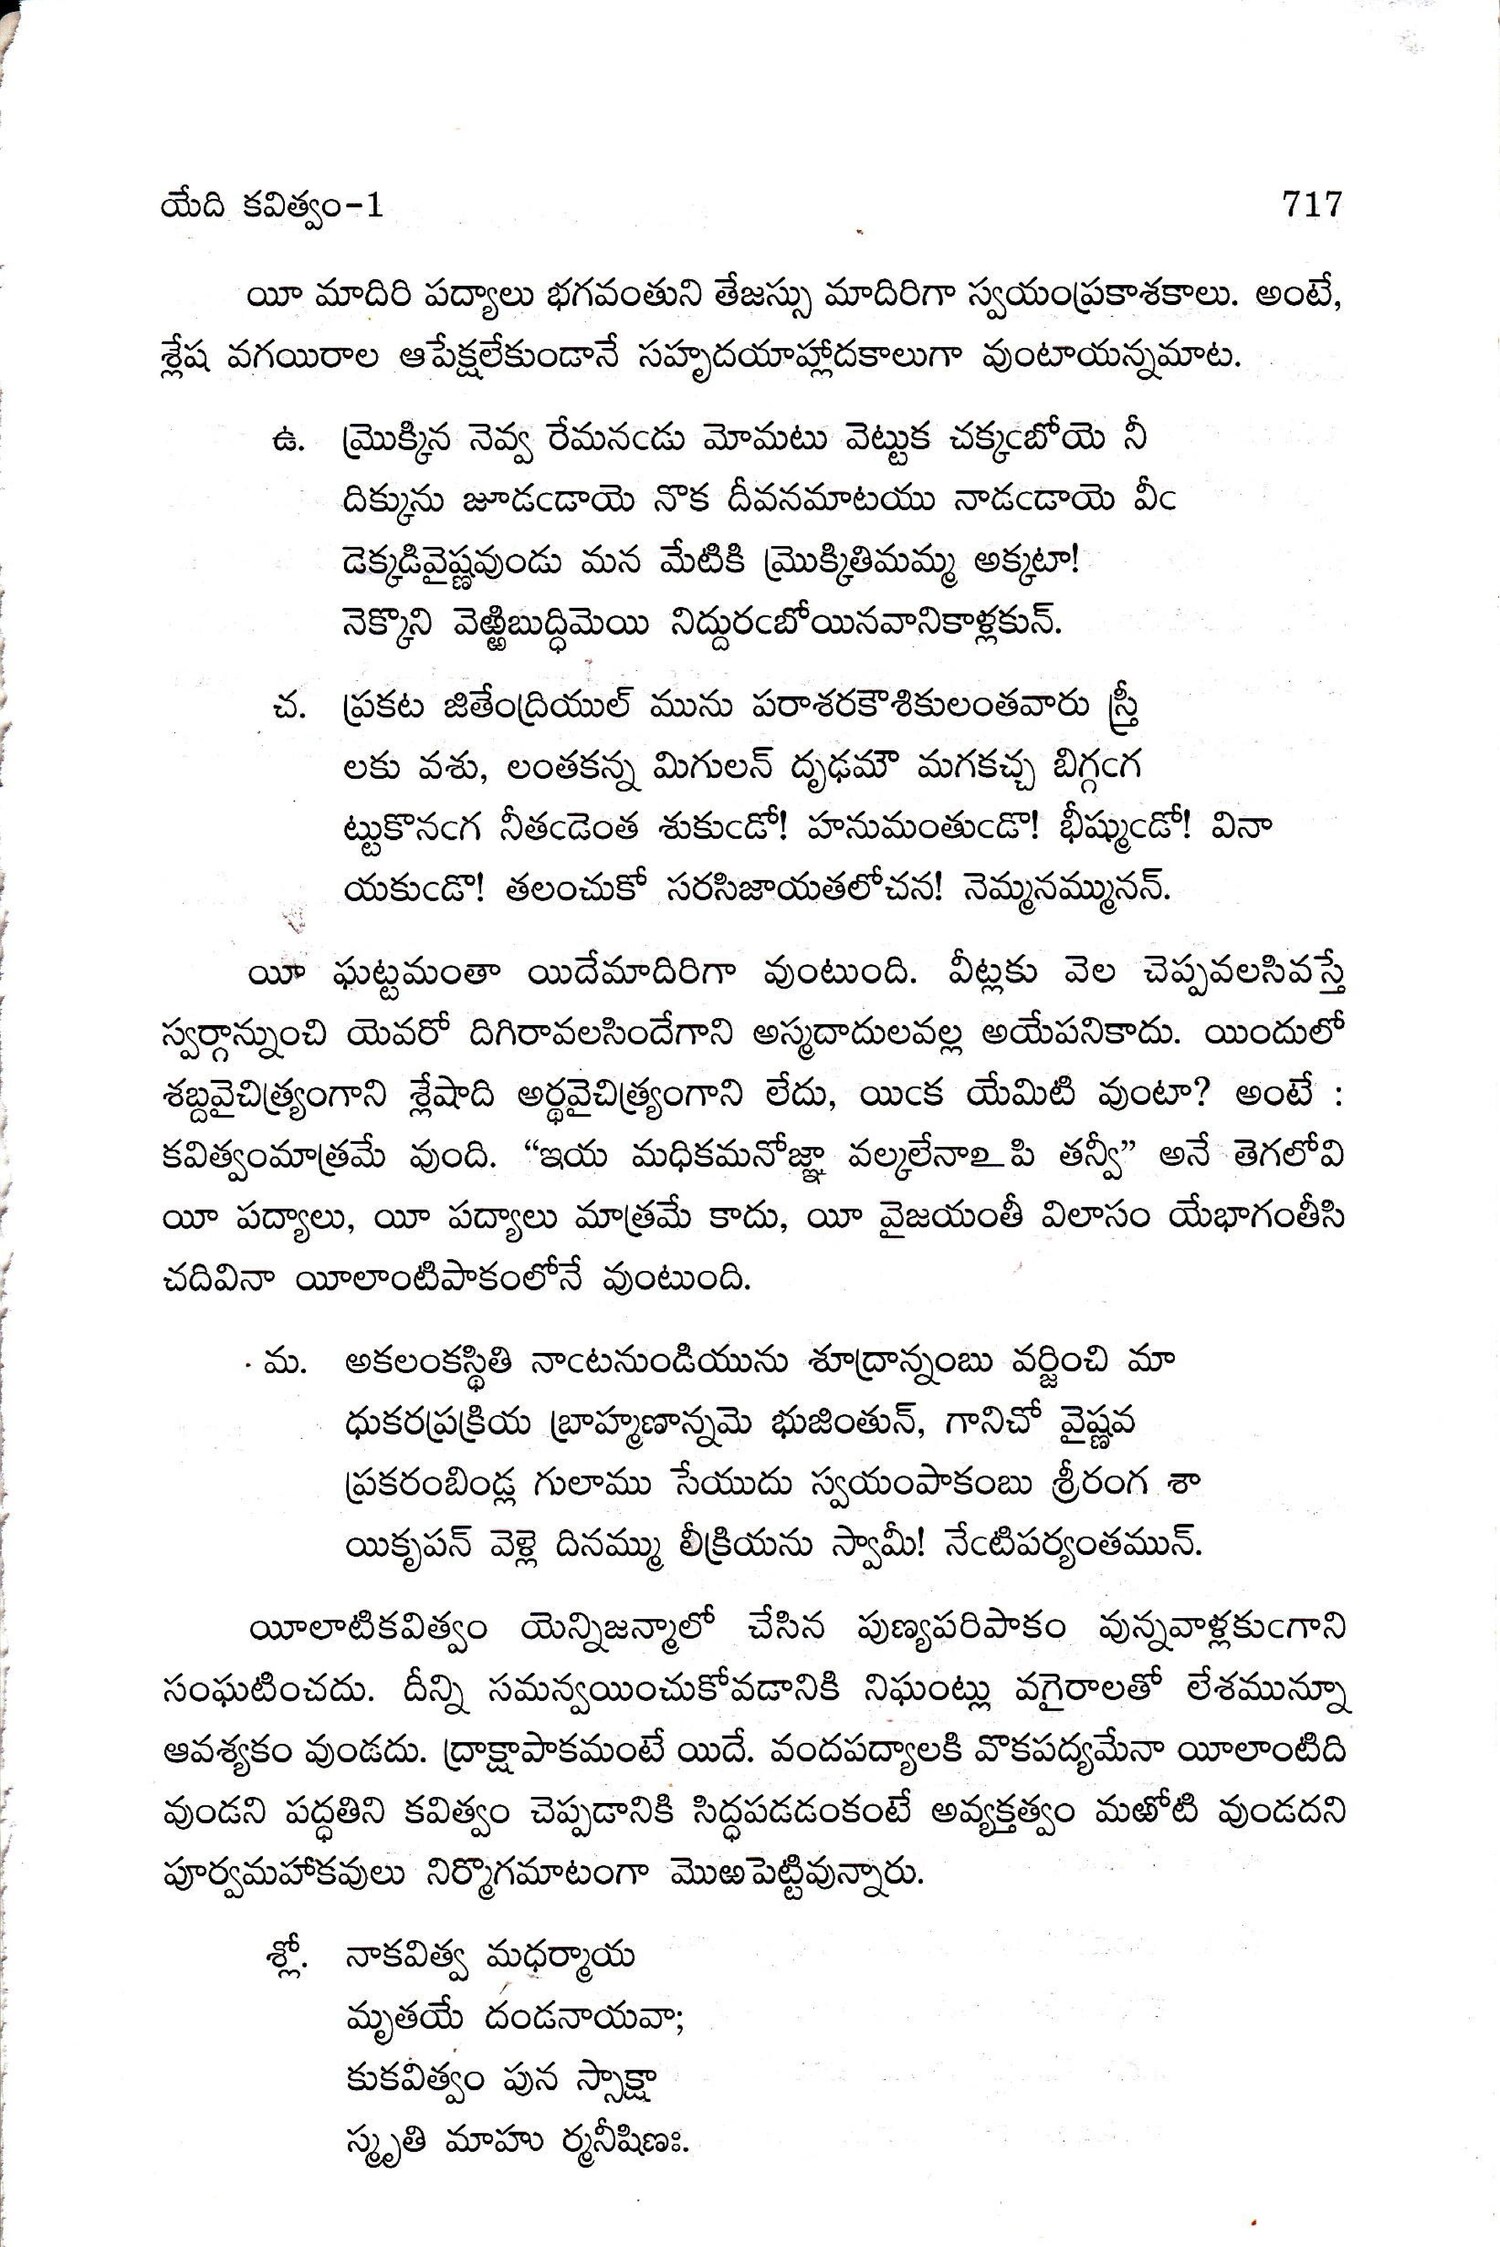యీ మాదిరి పద్యాలు భగవంతుని తేజస్సు మాదిరిగా స్వయంప్రకాశకాలు. అంటే, శ్లేష వగయిరాల ఆపేక్షలేకుండానే సహృదయాహ్లాదకాలుగా వుంటాయన్నమాట.

ఉ. మ్రొక్కిన నెవ్వ రేమనఁడు మోమటు వెట్టుక చక్కఁబోయె నీ
 దిక్కును జూడఁడాయె నొక దీవనమాటయు నాడఁడాయె వీఁ 
 డెక్కడివైష్ణవుండు మన మేటికి మ్రొక్కితిమమ్మ అక్కటా! 
 నెక్కొని వెఱ్ఱిబుద్ధిమెయి నిద్దురఁబోయినవానికాళ్లకున్.

చ. ప్రకట జితేంద్రియల్ మును పరాశరకౌశికులంతవారు స్త్రీ 
 లకు వశు, లంతకన్న మిగులన్ దృఢమౌ మగకచ్చ బిగ్గఁగ 
 ట్టుకొనఁగ నీతఁడెంత శుకుఁడో! హనుమంతుఁడొ! భీష్ముఁడో వినా 
 యకుఁడొ! తలంచుకో సరసిజాయతలోచన! నెమ్మనమ్మునన్,
యీ ఘట్టమంతా యిదేమాదిరిగా వుంటుంది. వీట్లకు వెల చెప్పవలసివస్తే స్వర్గాన్నుంచి యెవరో దిగిరావలసిందేగాని అస్మదాదులవల్ల అయేపనికాదు. యిందులో శబ్దవైచిత్ర్యంగాని శ్లేషాది అర్థవైచిత్ర్యంగాని లేదు, యిఁక యేమిటి వుంటా? అంటే : కవిత్వంమాత్రమే వుంది. “ఇయ మధికమనోజ్ఞా వల్కలేనా౽పి తన్వీ" అనే తెగలోవి యీ పద్యాలు, యీ పద్యాలు మాత్రమే కాదు, యీ వైజయంతీ విలాసం యేభాగంతీసి చదివినా యీలాంటిపాకంలోనే వుంటుంది.

మ. అకలంకస్థితి నాఁటనుండియును శూద్రాన్నంబు వర్జించి మా
 ధుకరప్రక్రియ బ్రాహ్మణాన్నమె భుజింతున్, గానిచో వైష్ణవ 
 ప్రకరంబిండ్ల గులాము సేయుదు స్వయంపాకంబు శ్రీరంగ శా 
 యికృపన్ వెళ్లే దినమ్ము లీక్రియను స్వామీ! నేఁటిపర్యంతమున్.
యీలాటికవిత్వం యెన్నిజన్మాలో చేసిన పుణ్యపరిపాకం వున్నవాళ్లకుఁగాని సంఘటించదు. దీన్ని సమన్వయించుకోవడానికి నిఘంట్లు వగైరాలతో లేశమున్నూ ఆవశ్యకం వుండదు. ద్రాక్షాపాకమంటే యిదే. వందపద్యాలకి వొకపద్యమేనా యీలాంటిది వుండని పద్ధతిని కవిత్వం చెప్పడానికి సిద్ధపడడంకంటే అవ్యక్తత్వం మఱోటి వుండదని పూర్వమహాకవులు నిర్మొగమాటంగా మొఱపెట్టివున్నారు.

శ్లో. నాకవిత్వ మధర్మాయ
 మృతయే దండనాయవా;
 కుకవిత్వం పున స్సాక్షా
 స్మృతి మాహు ర్మనీషిణః.